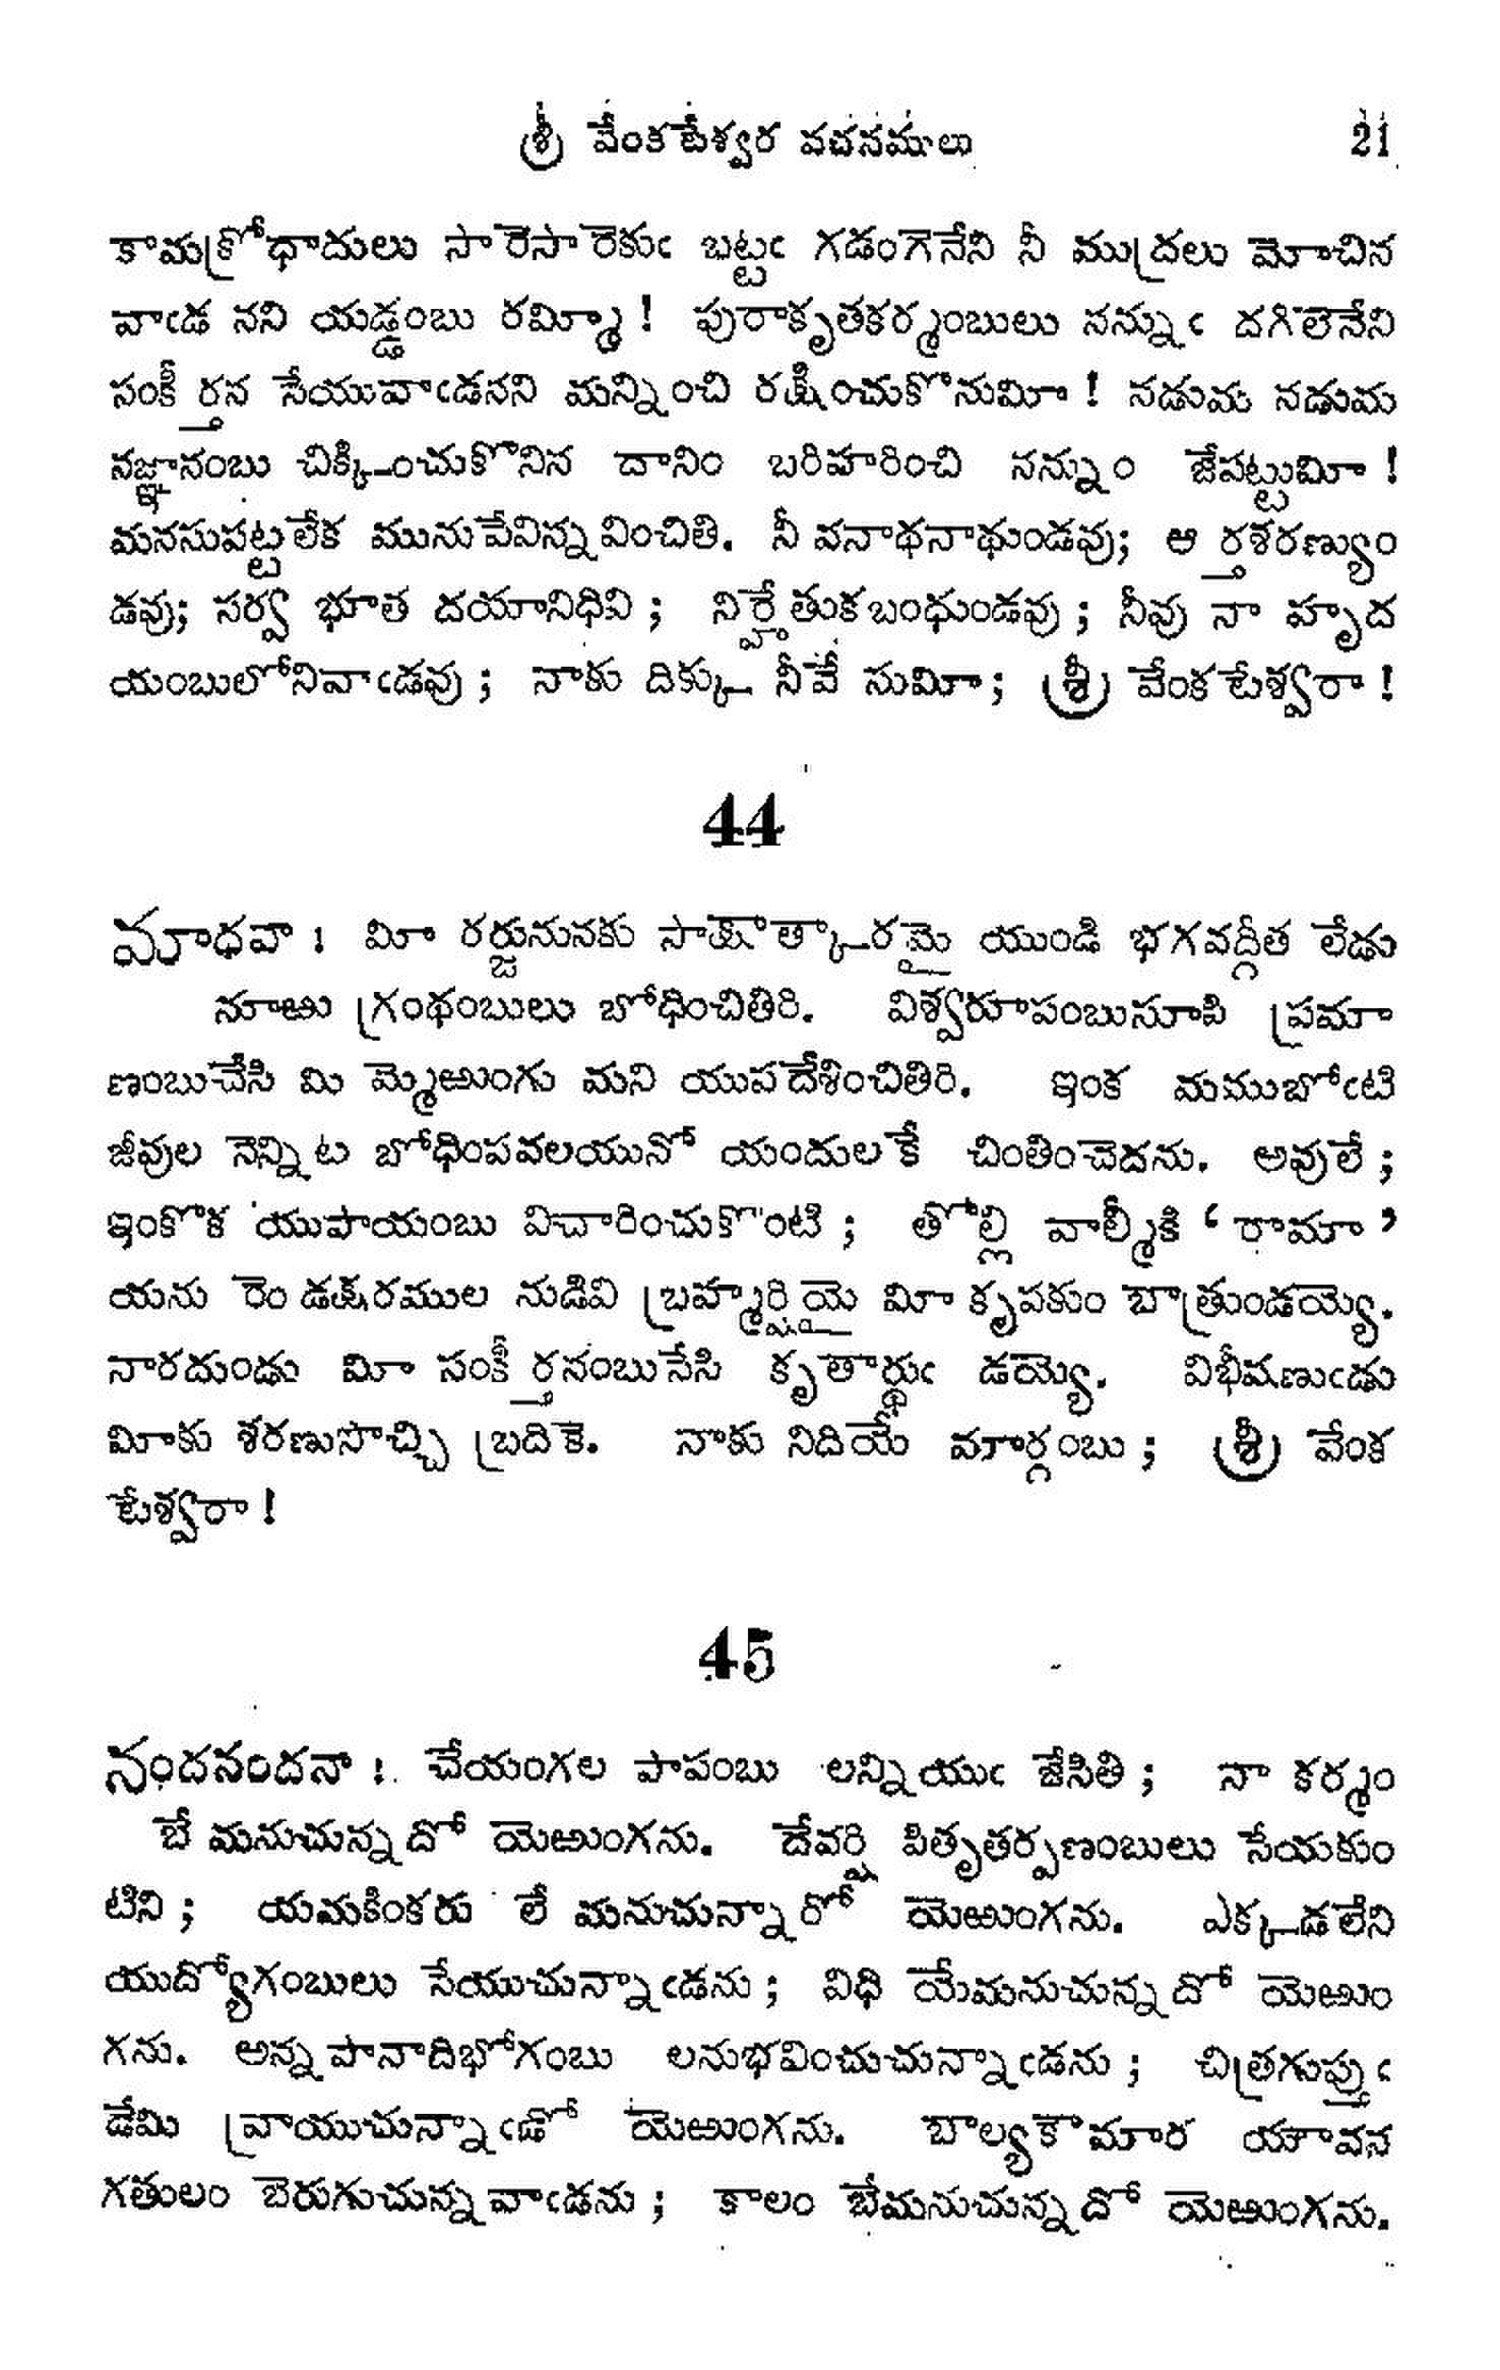కామక్రోధాదులు సారెసారెకుఁ బట్టఁ గడంగెనేని నీ ముద్రలు మోచిన వాడ నని యడ్డంబు రమ్మీ! పురాకృతకర్మంబులు నన్నుఁ దగిలెనేని సంకీర్తన సేయువాఁడనని మన్నించి రక్షించుకొనుమీ ! నడుమ నడుమ నజ్ఞానంబు చిక్కించుకొనిన దానిం బరిహరించి నన్నుం జేపట్టుమీ ! మనసుపట్టలేక మునుపేవిన్నవించితి. నీ వనాథనాథుండవు; ఆర్తశరణ్యుండవు; సర్వ భూత దయానిధివి; నిర్హేతుక బంధుండవు; నీవు నా హృదయంబులోనివాఁడవు; నాకు దిక్కు. నీవే సుమీ; శ్రీ వేంకటేశ్వరా !

44 

 ! మీ రర్జునునకు సాక్షాత్కారమై యుండి భగవద్గీత లేడు నూఱు గ్రంథంబులు బోధించితిరి. విశ్వరూపంబుసూపి ప్రమాణంబుచేసి మి మ్మెఱుంగు మని యుపదేశించితిరి. ఇంక మముబోఁటి జీవుల నెన్నిట బోధింపవలయునో యందులకే చింతించెదను. అవులే; ఇంకొక యుపాయంబు విచారించుకొంటి; తొల్లి వాల్మీకి "రామా" యను రెండక్షరముల నుడివి బ్రహ్మర్షి యై మీ కృపకుం బాత్రుండయ్యె. నారదుండు మీ సంకీర్తనంబు సేసి కృతార్థుఁ డయ్యె. విభీషణుఁడు మీకు శరణుసొచ్చి బ్రదికె. నాకు నిదియే మార్గంబు; శ్రీ వేంక బేశ్వరా !

45 

 !. చేయంగల పాపంబు లన్నియు జేసితి; నా కర్మంబే మనుచున్నదో యెఱుంగను. దేవర్షి పితృతర్పణంబులు సేయకుంటిని; యమకింకరు లే మనుచున్నారో యెఱుంగను. ఎక్కడ లేనియుద్యోగంబులు సేయుచున్నాఁడను; విధి యేమనుచున్నదో యెఱుంగను. అన్నపానాది భోగంబు లనుభవించుచున్నాఁడను; చిత్రగుప్తు ! డేమీ వ్రాయుచున్నాఁడో యెఱుంగను. బాల్య కౌమార యౌవన గతులం బెరుగుచున్న వాఁడను; కాలం బేమనుచున్నదో యెఱుంగను.